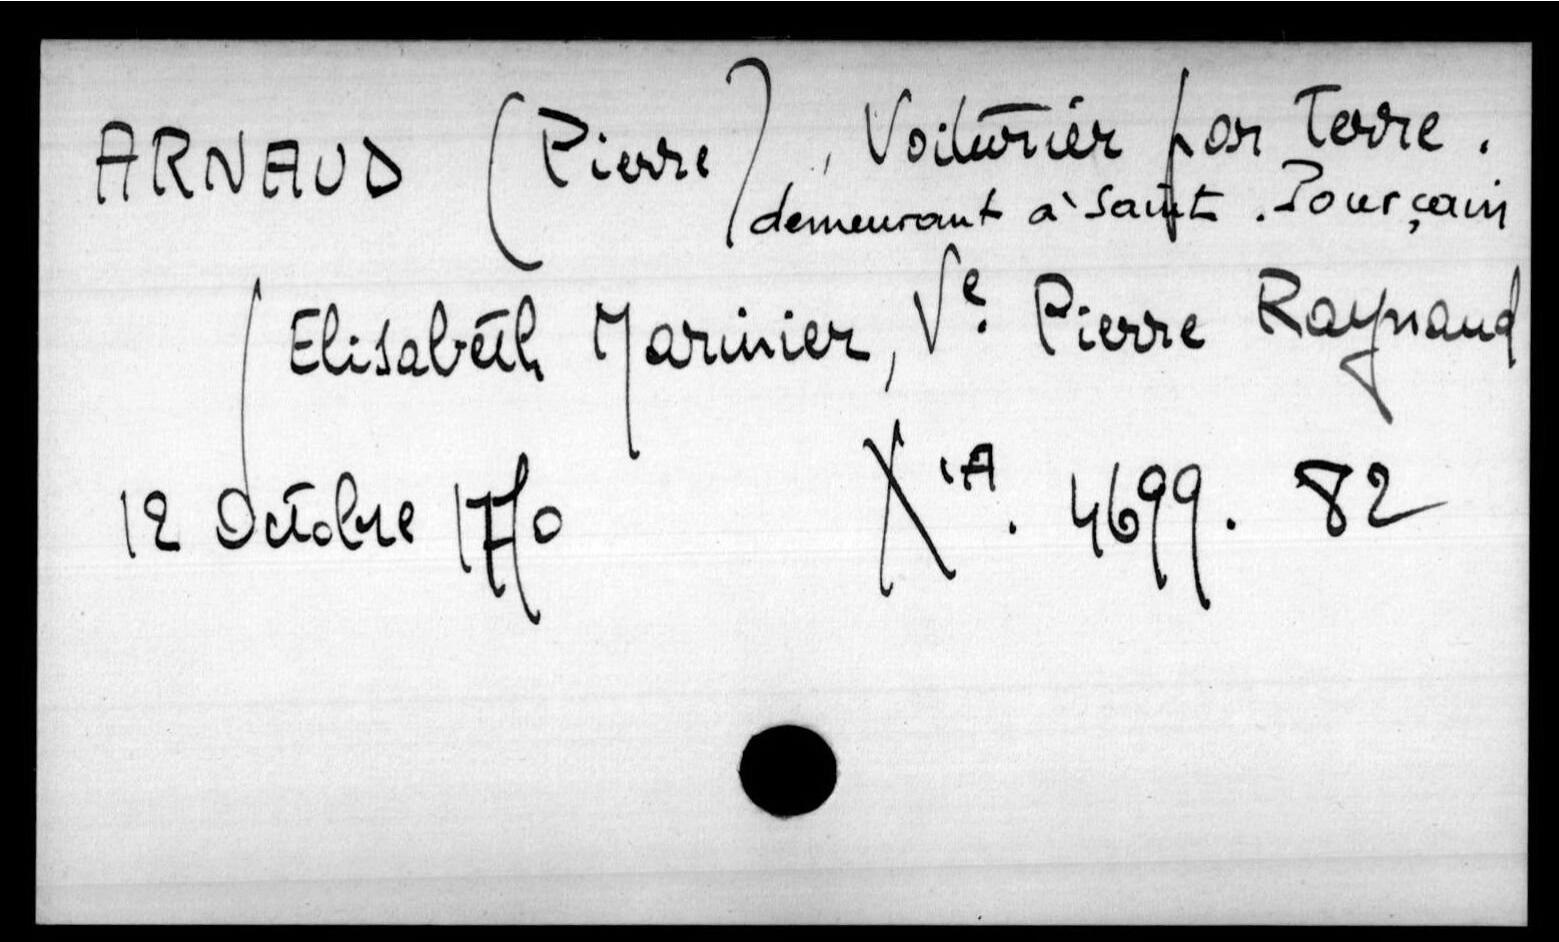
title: ARNAUD (Pierre), Voiturier par terre demeurant à Saint-Pourçain
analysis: Contre Élisabeth Marinier, Veuve Pierre Raynaud
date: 12 octobre 1770
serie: X1A
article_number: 4699
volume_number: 82
